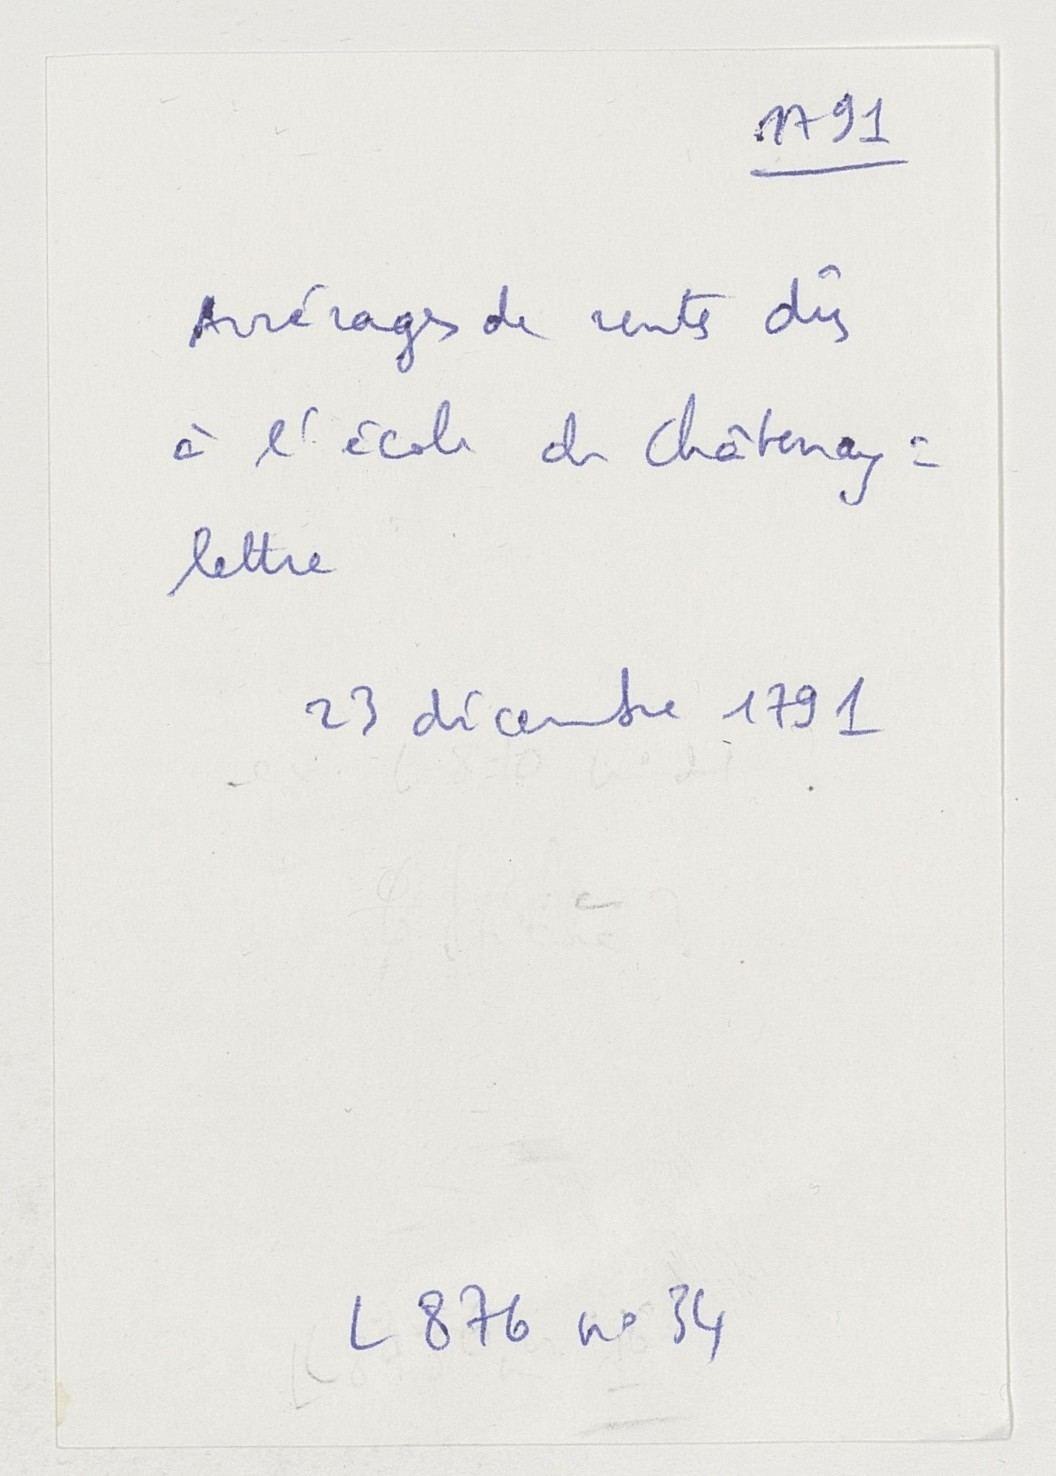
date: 1791
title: Arrérages de rentes dus à l'école de Châtenay : lettre
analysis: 23 décembre 1791
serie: L
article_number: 876
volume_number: n° 34
